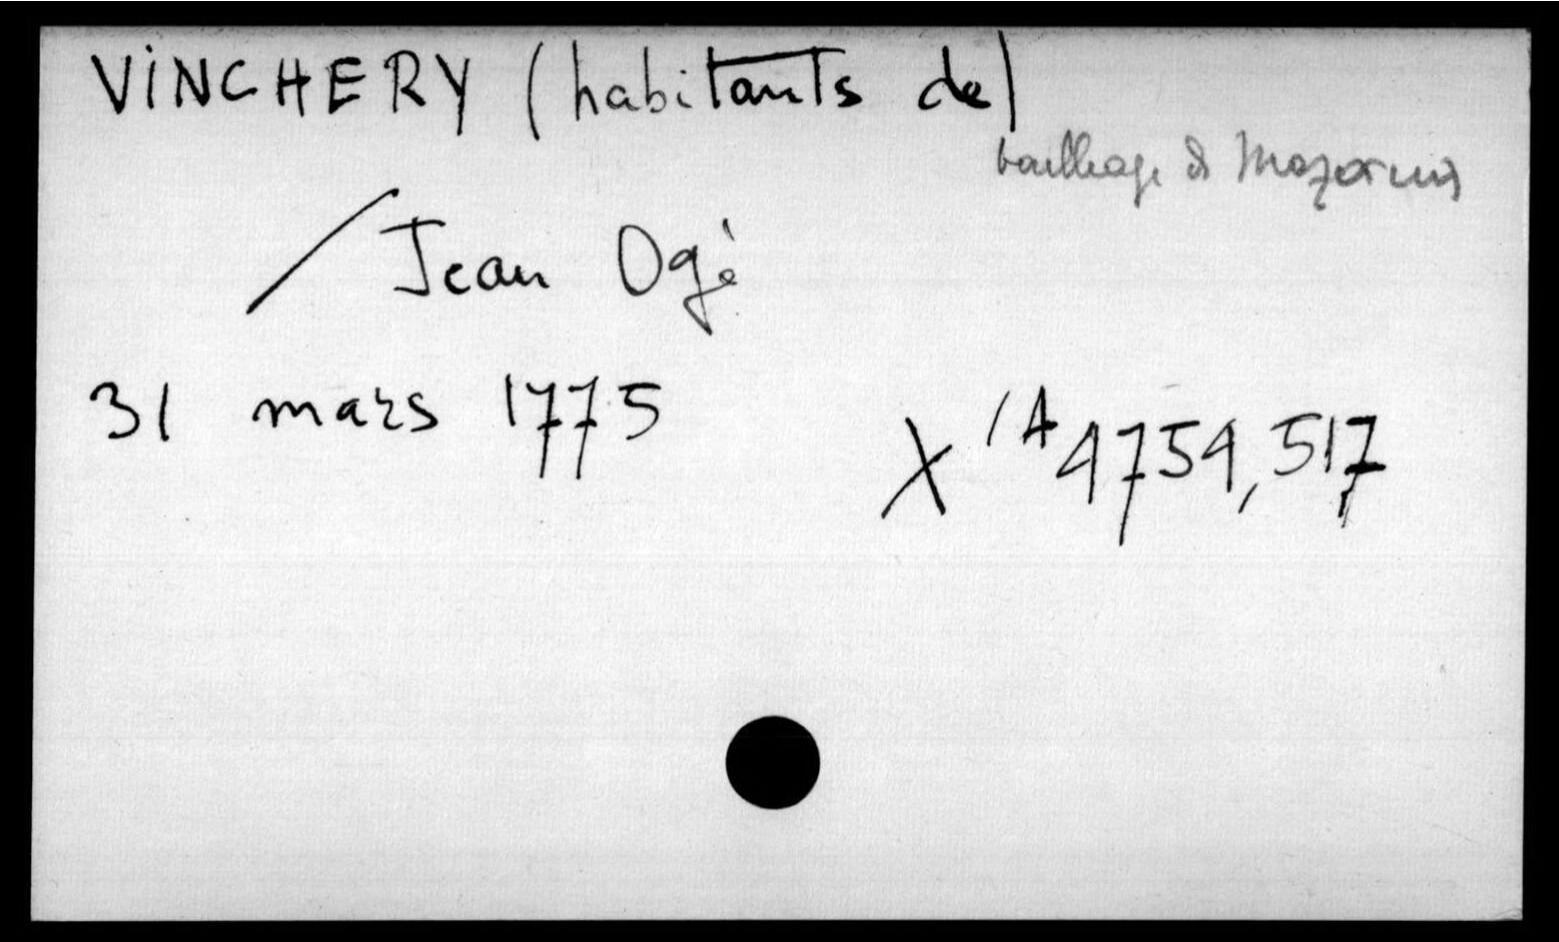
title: VINCHERY (habitants de) bailliage de Mazarin
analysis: Contre Jean Ogé
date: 31 mars 1775
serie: X1A
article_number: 4754
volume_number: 517
